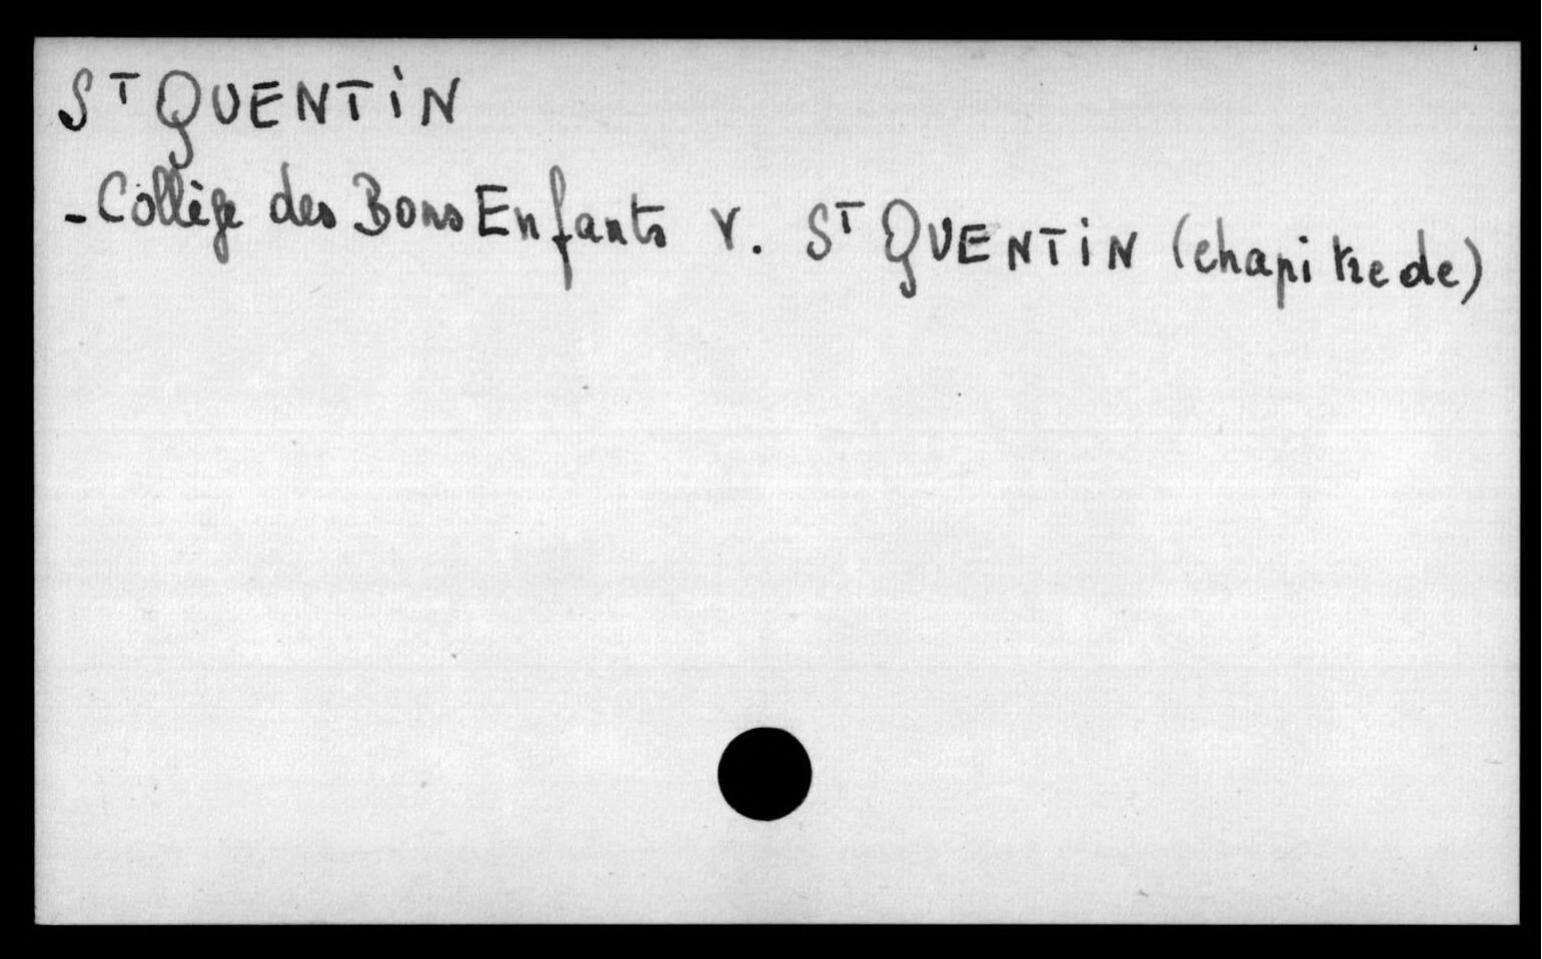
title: SAINT-QUENTIN - Collège des Bons Enfants
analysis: Voir : SAINT-QUENTIN (chapitre de)
